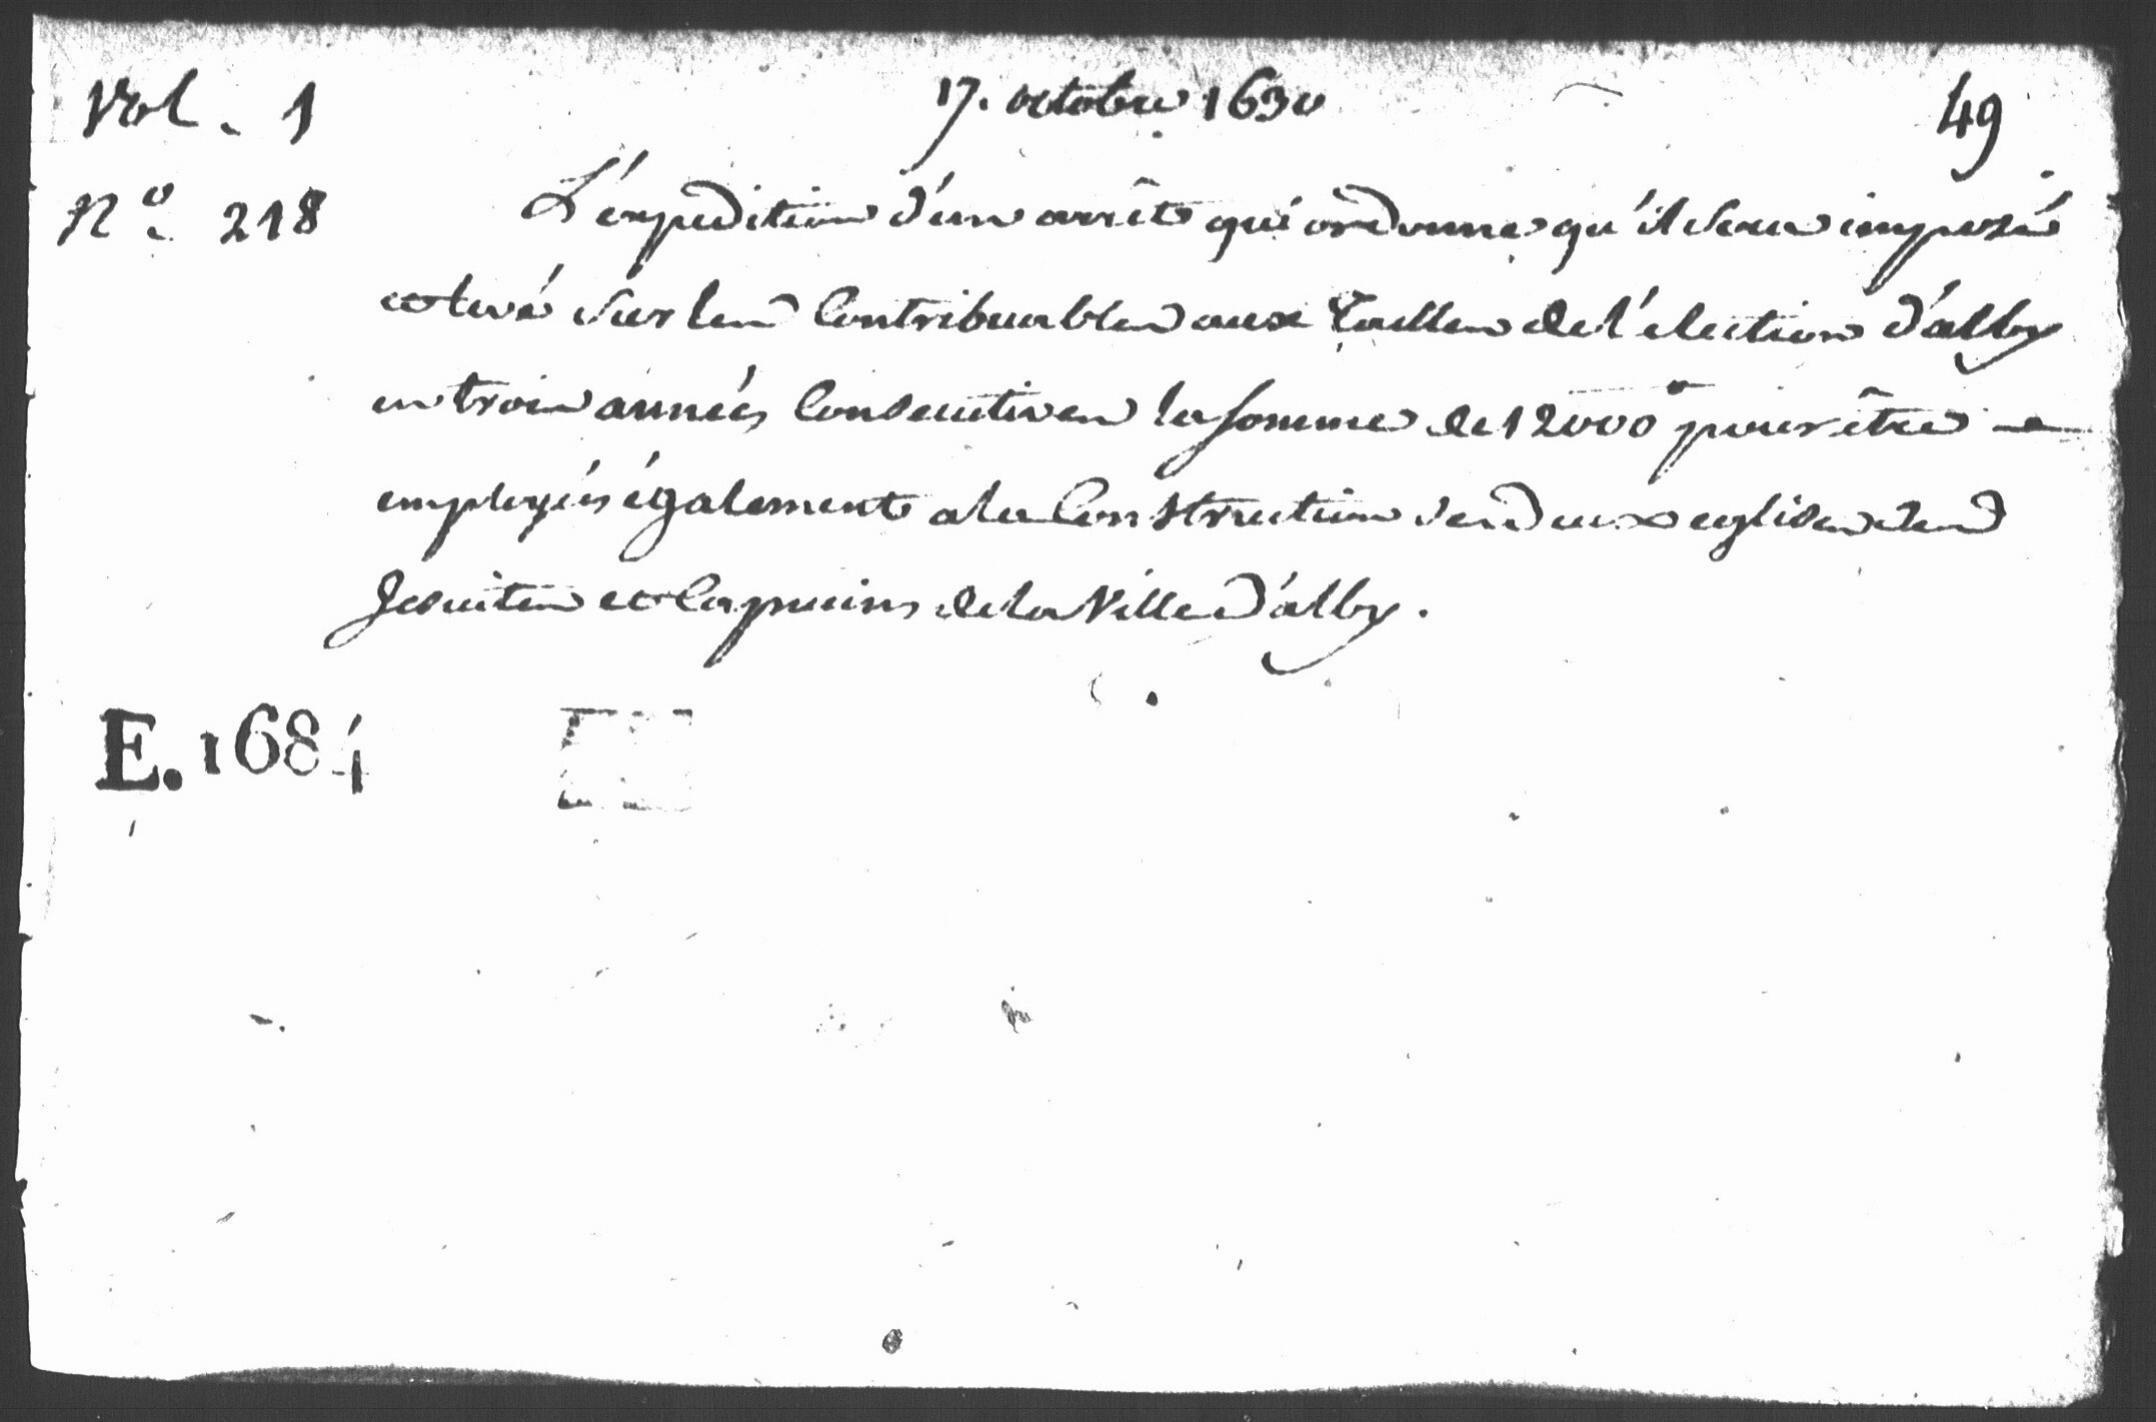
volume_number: n°218
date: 17 octobre 1630
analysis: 49
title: L'expedition d'un arrêt qui ordonne qu'il sera imposé et levé sur les contribuables aux tailles de l'élection d'alby en trois années consecutives la somme de 12000 # pour être employées également a la construction des deux eglises des Jesuites et Capucins de la Ville d'alby.
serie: E
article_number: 1684
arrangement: vol. 1
